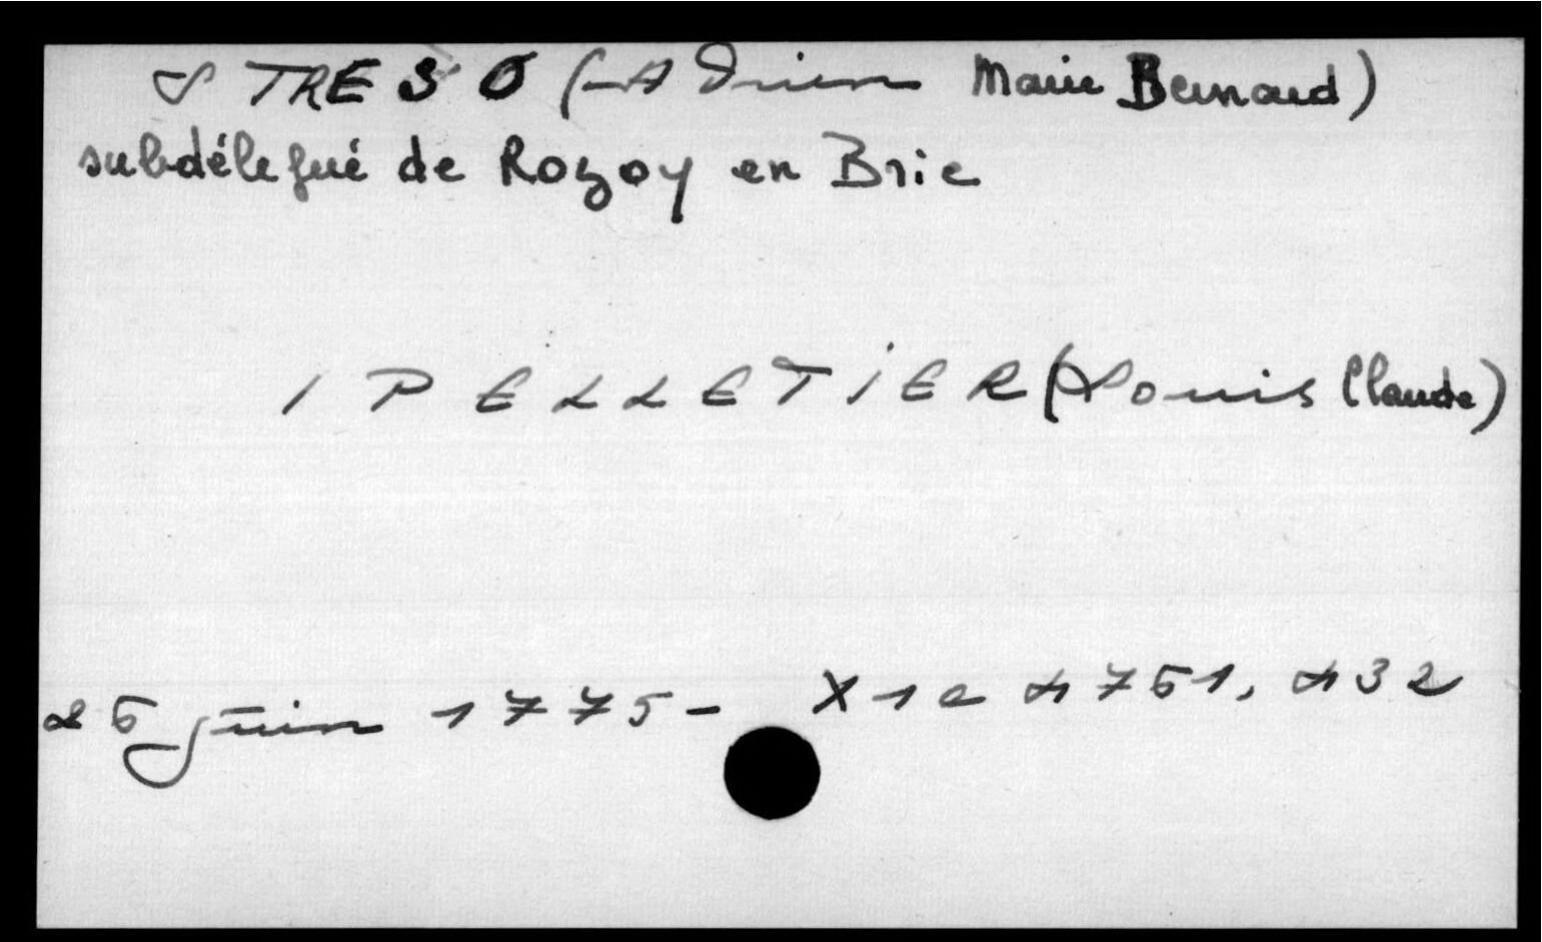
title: STRESO (Adrien Marie Bernard) subdélégué de Rozoy en Brie
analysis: Contre PELLETIER (Louis Claude)
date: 26 juin 1775
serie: X1a
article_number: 4761
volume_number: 432
